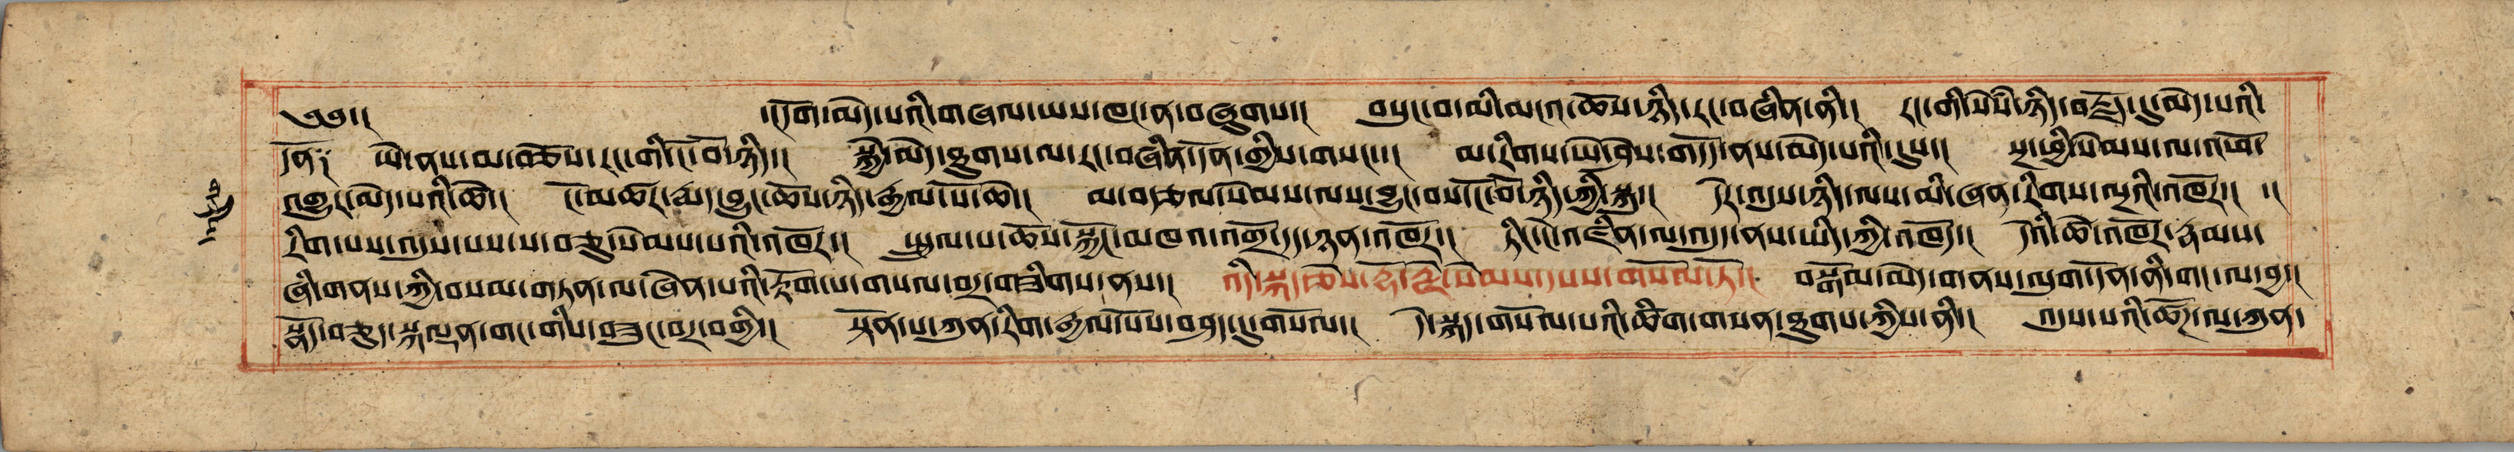༄༅་། ་།དོག་མེད་པའི་གཞལ་ཡས་ཁང་ན་བཞུགས་། བསུང་བ་མི་མངའ་ཆོས་ཉིད་རང་བཞིན་ནི་། རང་གི་སེཾས་ཉིད་བརྗོད་དུ་མེད་པའི་
དོན༑ ཡེ་ནས་མ་བཅོས་རང་གི་ངོ་བོ་ཉིད་། སྐྱེ་མེད་ཐུགས་ལ་རང་བཞིན་དོན་གྱིས་གསང་་། མ་རིགས་ཡེ་ཤེས་གདོད་ནས་མེད་པའི་དུས་། སྔ་ཕྱི་སེམས་ལ་འཕོ་
འགྱུར་མེད་པའི་ཚེ་། ངོ་མཚར་རྨད་བྱུང་ཆོས་ཉིད་རྒྱལ་པོ་ཆེ་། མ་བརྩལ་སེམས་ལས་བྱུང་བས་ངོ་བོ་ཉིད་ཀྱི་སྐུ་། དེར་འདུས་ཉིད་ལས་མི་ཞན་རིགས་ལྔའི་འཁོར་། ་།
རིག་པས་འདུས་པས་ས་བཅུ་སེམས་པའི་འཁོར་། སྤྲུལ་པ་ཆོས་སྐྱོང་མཁའ་འགྲོ་དད་ཉན་འཁོར་། ཏིང་ངེ་འཛིན་ལ་འདུད་ནས་ཡིད་ཀྱི་འཁོད་། དེའི་ཚེ་འཁོར་རྣམས་
ཞི་གནས་ཀྱི་བསམ་གཏན་ལ་ཞེན་པའི་རྟོག་པ་གསལ་བར་གཟིགས་ནས་། འདི་སྐད་ཅེས་རྡོ་རྗེ་སེམས་དཔས་གསོལ་ཏོ་། བསྒོམ་མེད་གནས་ལུག་དོན་ནི་གང་ལ་བྱ་།
སྣོད་བཅུད་སྐལྡན་གང་གི་བཟུང་བར་བགྱི་། སྟོན་པ་ཀུན་རིག་རྒྱལ་པོས་བཤད་དུ་གསོལ་། དེ་སྐད་གསོལ་པའི་ཚིག་གསན་ཐུགས་ཀྱིས་ནི་། འདུས་པའི་ཚོཌ་ལ་ཀུན་